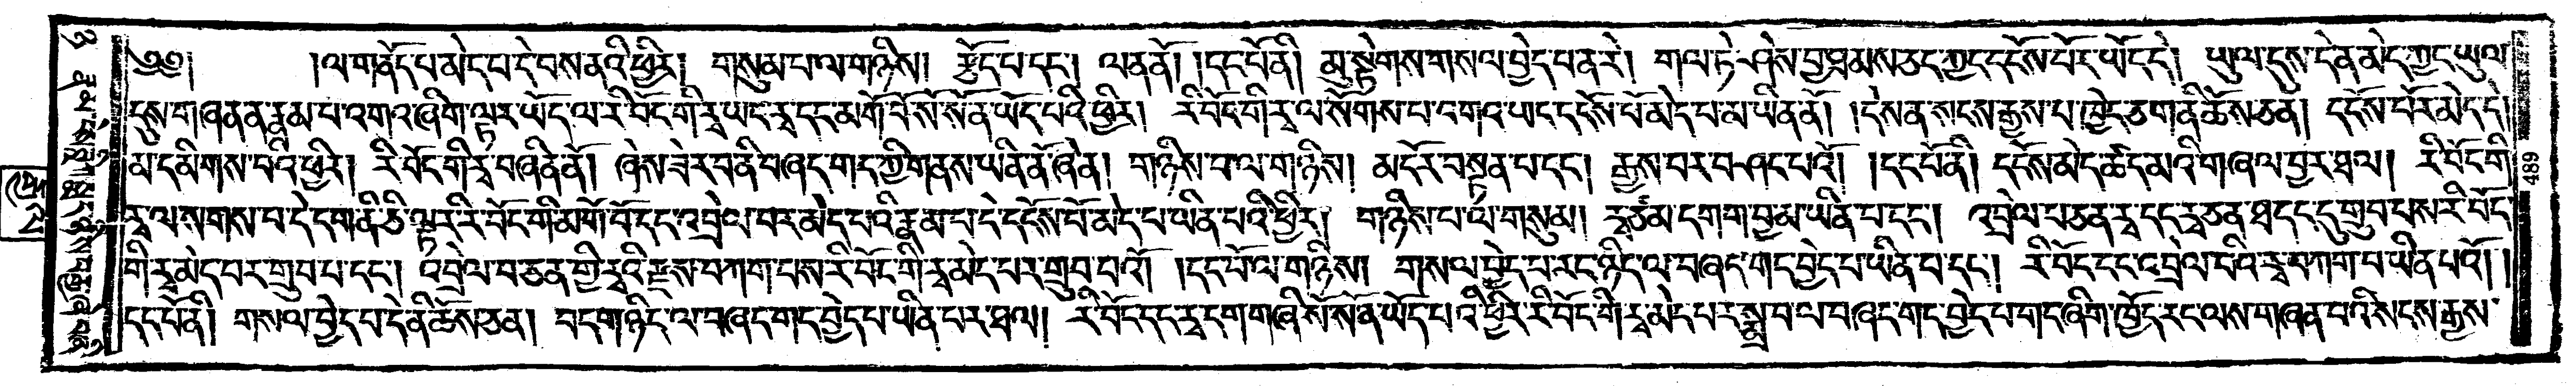༄༅། །ལ་གནོད་པ་མེད་པ་དེ་བས་ནའི་ཕྱིར། གསུམ་པ་ལ་གཉིས། རྩོད་པ་དང་། ལན་ནོ། །དང་པོ་ནི། མུ་སྟེགས་གསལ་བྱེད་པ་ན་རེ། གལ་ཏེ་ཤེས་བྱ་ཐམས་ཅད་ཀྱང་དངོས་པོར་ཡོད་དེ། ཡུལ་དུས་དེ་ན་མེད་ཀྱང་ཡུལ་
དུས་གཞན་ན་རྣམ་པ་འགའ་ཞིག་ལྟར་ཡོད་ལ་རི་བོང་གི་རྭ་དང་མགོ་བོ་སོ་སོ་ན་ཡོད་པའི་ཕྱིར། རི་བོང་གི་རྭ་ལ་སོགས་པ་འགའ་ཡང་དངོས་པོ་མེད་པ་མ་ཡིན་ནོ། །དེས་ན་སངས་རྒྱས་པ་ཁྱེད་ཅག་ནི་ཆོས་ཅན། དངོས་པོར་མེད་དེ།
མ་དམིགས་པའི་ཕྱིར། རི་བོང་གི་རྭ་བཞིན་ནོ། ཞེས་ཟེར་བ་ནི་བཞད་གད་ཀྱི་གནས་ཡིན་ནོ་ཞེན། གཉིས་པ་ལ་གཉིས། མདོར་བསྟན་པ་དང་། རྒྱས་བར་བཤད་པའོ། །དང་པོ་ནི། དངོས་མེད་ཚད་མའི་གཞལ་བྱར་ཐལ། རི་བོང་གི་
རྭ་ལ་སགས་པ་དེ་དག་ནི་ཅི་ལྟར་རི་བོང་གི་མགོ་བོ་དང་འབྲེལ་བར་མེད་པའི་རྣམ་པ་དེ་དངོས་པོ་མེད་པ་ཡིན་པའི་ཕྱིར། གཉིས་པ་ལ་གསུམ། རྭ་ཙམ་དགག་བྱ་མ་ཡིན་པ་དང་། འབྲེལ་པ་ཅན་རྭ་དང་རྭ་ཅན་ཐ་དང་དུ་གྲུབ་པས་རི་བོང་
གི་རྭ་མེད་པར་གྲུབ་པ་དང་། འབྲེལ་བ་ཅན་གྱི་རྭའི་རྫས་བཀག་པས་རི་བོང་གི་རྭ་མེད་པར་གྲུབ་པའོ། །དང་པོ་ལ་གཉིས། གསལ་བྱེད་པ་རང་ཉིད་ལ་བཞད་གང་བྱེད་པ་ཡིན་པ་དང་། རི་བོང་དང་འབྲེལ་བའི་རྭ་བཀག་པ་ཡིན་པའོ། །
དང་པོ་ནི། གསལ་བྱེད་པ་དེ་ནི་ཆོས་ཅན། བདག་ཉིད་ལ་བཞད་གད་བྱེད་པ་ཡིན་པར་ཐལ། རོ་བོང་དང་རྭ་དག་གཞི་སོ་སོན་ཡོད་པའི་ཕྱིར་རི་བོང་གི་རྭ་མེད་པར་སྨྲ་བ་ལ་བཞད་གང་བྱེད་པ་གང་ཞིག་ཁྱོད་རང་ལས་གཞན་པའི་སངས་རྒྱས་